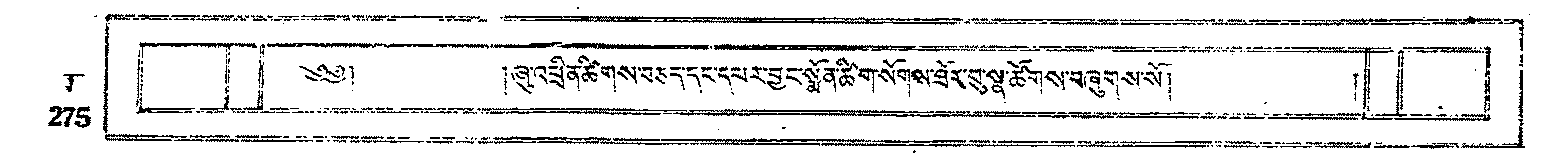༄༅། །ཞུ་འཕྲིན་ཚིགས་བཅད་དང་དཔར་བྱང་སྨོན་ཚིག་སོགས་ཐོར་བུ་སྣ་ཚོགས་བཞུགས་སོ། །